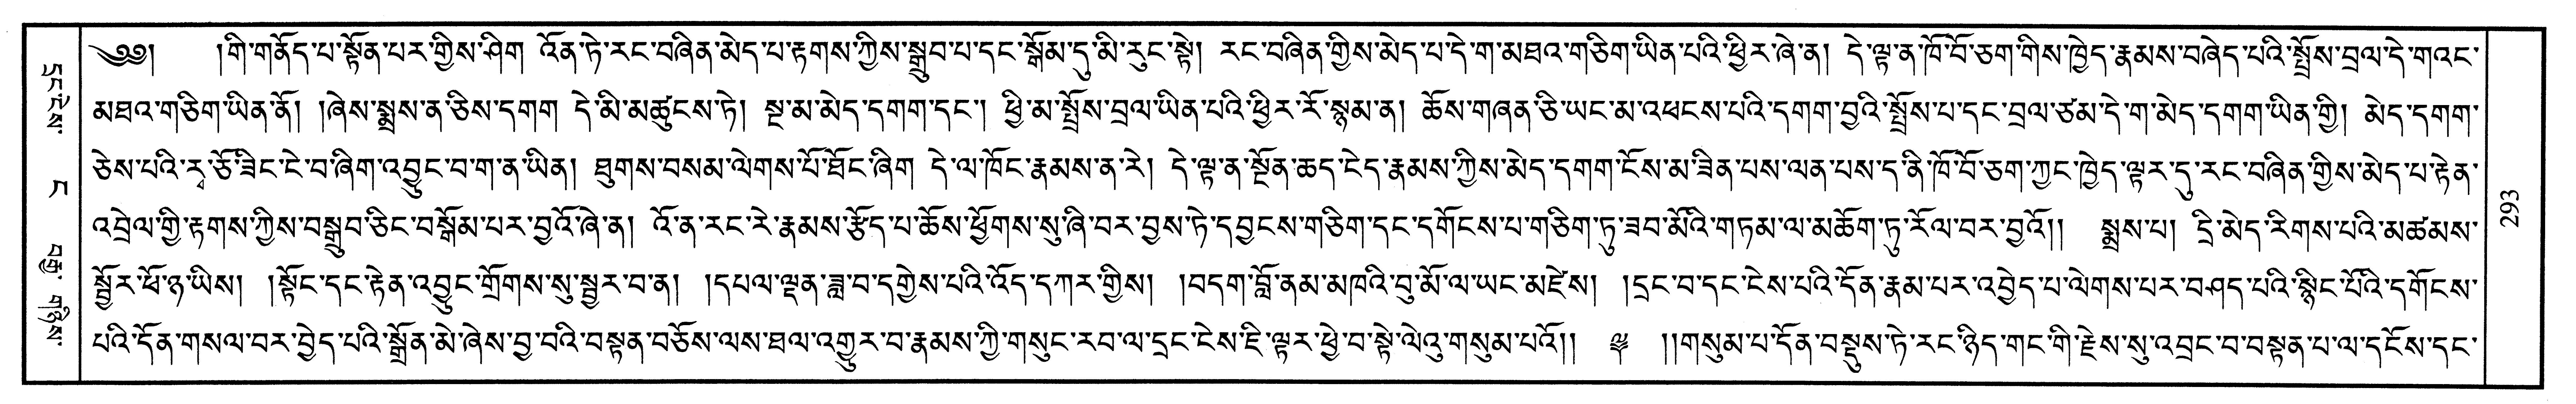༄༅། །གི་གནོད་པ་སྟོན་པར་གྱིས་ཤིག །འོན་ཏེ་རང་བཞིན་མེད་པ་རྟགས་ཀྱིས་སྒྲུབ་པ་དང་སྒོམ་དུ་མི་རུང་སྟེ། རང་བཞིན་གྱིས་མེད་པ་དེ་ག་མཐའ་གཅིག་ཡིན་པའི་ཕྱིར་ཞེ་ན། དེ་ལྟ་ན་ཁོ་བོ་ཅག་གིས་ཁྱེད་རྣམས་བཞེད་པའི་སྤྲོས་བྲལ་དེ་གའང་
མཐའ་གཅིག་ཡིན་ནོ། །ཞེས་སྨྲས་ན་ཅིས་དགག །དེ་མི་མཚུངས་ཏེ། སྔ་མ་མེད་དགག་དང་། ཕྱི་མ་སྤྲོས་བྲལ་ཡིན་པའི་ཕྱིར་རོ་སྙམ་ན། ཆོས་གཞན་ཅི་ཡང་མ་འཕངས་པའི་དགག་བྱའི་སྤྲོས་པ་དང་བྲལ་ཙམ་དེ་ག་མེད་དགག་ཡིན་གྱི། མེད་དགག་
ཅེས་པའི་རྭ་ཅོ་ཟིང་ངེ་བ་ཞིག་འབྱུང་བ་ག་ན་ཡིན། ཐུགས་བསམ་ལེགས་པོ་ཐོང་ཞིག་དེ་ལ་ཁོང་རྣམས་ན་རེ། དེ་ལྟ་ན་སྔོན་ཆད་ངེད་རྣམས་ཀྱིས་མེད་དགག་ངོས་མ་ཟིན་པས་ལན་པས་ད་ནི་ཁོ་བོ་ཅག་ཀྱང་ཁྱེད་ལྟར་དུ་རང་བཞིན་གྱིས་མེད་པ་རྟེན་
འབྲེལ་གྱི་རྟགས་ཀྱིས་བསྒྲུབ་ཅིང་བསྒོམ་པར་བྱའོ་ཞེ་ན། འོ་ན་རང་རེ་རྣམས་རྩོད་པ་ཆོས་ཕྱོགས་སུ་ཞི་བར་བྱས་ཏེ་དབྱངས་གཅིག་དང་དགོངས་པ་གཅིག་ཏུ་ཟབ་མོའི་གཏམ་ལ་མཆོག་ཏུ་རོལ་བར་བྱའོ།། སྨྲས་པ། དྲི་མེད་རིགས་པའི་མཚམས་
སྦྱོར་ཕོ་ཉ་ཡིས། །སྟོང་དང་རྟེན་འབྱུང་གྲོགས་སུ་སྦྱར་བ་ན། །དཔལ་ལྡན་ཟླ་བ་དགྱེས་པའི་འོད་དཀར་གྱིས། །བདག་བློ་ནམ་མཁའི་བུ་མོ་ལ་ཡང་མཛེས། །དྲང་བ་དང་ངེས་པའི་དོན་རྣམ་པར་འབྱེད་པ་ལེགས་པར་བཤད་པའི་སྙིང་པོའི་དགོངས་
པའི་དོན་གསལ་བར་བྱེད་པའི་སྒྲོན་མེ་ཞེས་བྱ་བའི་བསྟན་བཅོས་ལས་ཐལ་འགྱུར་བ་རྣམས་ཀྱི་གསུང་རབ་ལ་དྲང་ངེས་ཇི་ལྟར་ཕྱེ་བ་སྟེ་ལེའུ་གསུམ་པའོ།། ༈ །།གསུམ་པ་དོན་བསྡུས་ཏེ་རང་ཉིད་གང་གི་རྗེས་སུ་འབྲང་བ་བསྟན་པ་ལ་དངོས་དང་